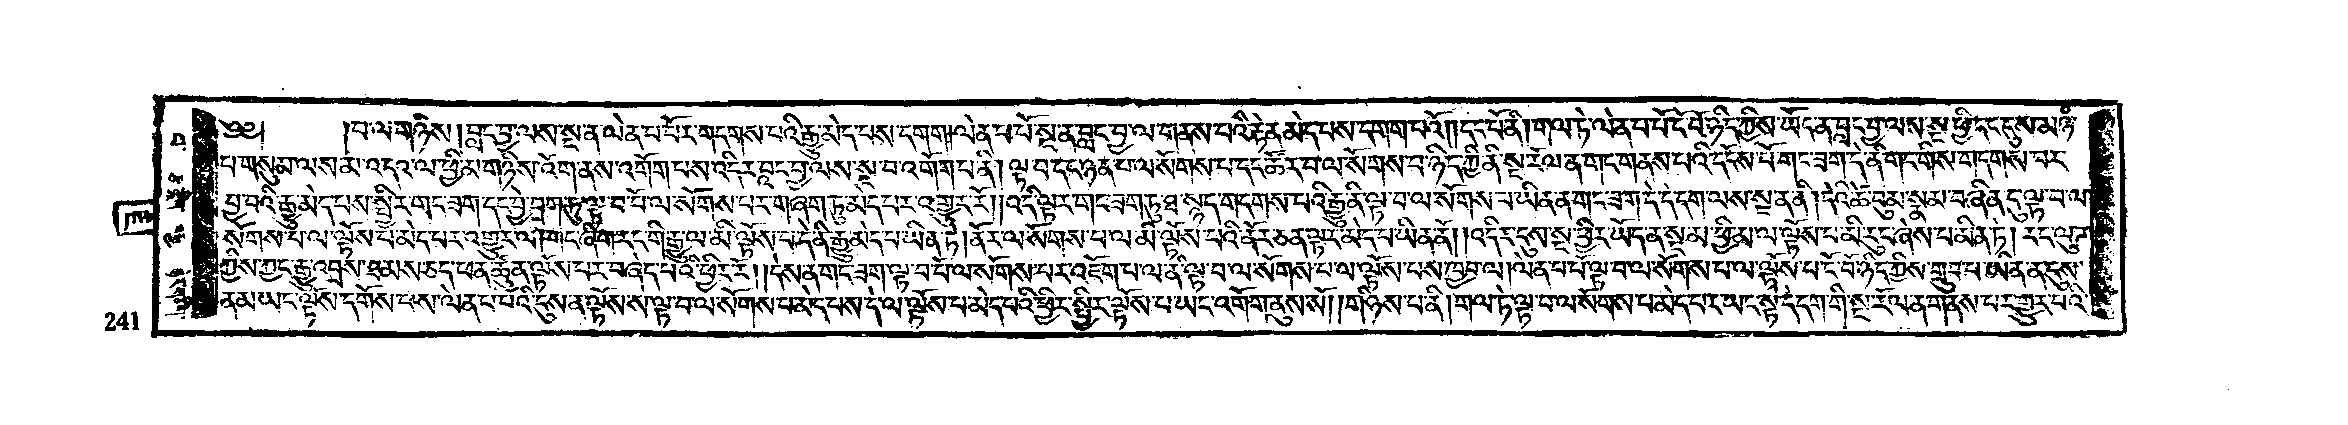༄༅། །པོ་ལ་གཉིས། བླང་བྱ་ལས་སྔ་ན་ལེན་པ་པོར་གདགས་པའི་རྒྱུ་མེད་པས་དགག །ལེན་པ་པོ་སྔ་ན་བླང་བྱ་ལ་གནས་པའི་རྟེན་མེད་པས་དགག་པའོ། །དང་པོ་ནི། གལ་ཏེ་ལེན་པ་པོ་ངོ་བོ་ཉིད་ཀྱིས་ཡོད་ན་བླང་བྱ་ལས་སྔ་ཕྱི་དང་དུས་མཉཾ་
པ་གསུམ་ལས་མ་འདའ་ལ་ཕྱི་མ་གཉིས་འོག་ནས་འགོག་པས་འདིར་བླང་བྱ་ལས་སྔ་བ་འགོག་པ་ནི། ལྟ་བ་དང་ཉན་པ་ལ་སོགས་པ་དང་ཚོར་བ་ལ་སོགས་པ་ཉིད་ཀྱི་ནི་སྔ་རོལ་ན་གང་གནས་པའི་དངོས་པོ་གང་ཟག་དེ་ནི་གང་གིས་གདགས་པར་
བྱ་བའི་རྒྱུ་མེད་པས་སྤྱིར་གང་ཟག་དང་བྱེ་བྲག་ཏུ་ལྟ་བ་པོ་ལ་སོགས་པར་གཞག་ཏུ་མེད་པར་འགྱུར་རོ། །འདི་ལྟར་གང་ཟག་ཏུ་ཐ་སྙད་གདགས་པའི་རྒྱུ་ནི་ལྟ་བ་ལ་སོགས་པ་ཡིན་ན་གང་ཟག་དེ་དེ་དག་ལས་སྔ་ན་ནི། དེའི་ཚེ་བུམ་སྣམ་བཞིན་དུ་ལྟ་བ་ལ་
སོགས་པ་ལ་ལྟོས་པ་མེད་པར་འགྱུར་ལ། གང་ཞིག་རང་གི་རྒྱུ་ལ་མི་ལྟོས་པ་དེ་ནི་རྒྱུ་མེད་པ་ཡིན་ཏེ། ནོར་ལ་སོགས་པ་ལ་མི་ལྟོས་པའི་ནོར་ཅན་ལྟར་མེད་པ་ཡིན་ནོ། །འདིར་དུས་སྔ་ཕྱིར་ཡོད་ན་སྔ་མ་ཕྱི་མ་ལ་ལྟོས་པ་མི་རུང་ཞེས་པ་མིན་ཏེ། རང་ལུཌ་
ཀྱིས་ཀྱང་རྒྱུ་འབྲས་ཐམས་ཅད་ཕན་ཚུན་ལྟོས་པར་བཞེད་པའི་ཕྱིར་རོ། །དེས་ན་གང་ཟག་ལྟ་བ་པོ་ལ་སོགས་པར་འཇོག་པ་ལ་ནི་ལྟ་བ་ལ་སོགས་པ་ལ་ལྟོས་པས་ཁྱབ་ལ། ལེན་པ་པོ་ལྟ་བ་ལ་སོགས་པ་ལ་ལྟོས་པ་ངོ་ནོ་ཉིད་ཀྱིས་གྲུབ་པ་ཡིན་ན་དུས་
ནམ་ཡང་ལྟོས་དགོས་པས་ལེན་པ་པོའི་དུས་ན་ལྟོས་ས་ལྟ་བ་ལ་སོགས་པ་མེད་པས་དེ་ལ་ལྟོས་པ་མེད་པའི་ཕྱིར་སྤྱིར་ལྟོས་པ་ཡང་འགོག་ནུས་སོ། །གཉིས་པ་ནི། གལ་ཏེ་ལྟ་བ་ལ་སོགས་པ་མེད་པར་ཡང་སྟེ་དེ་དག་གི་སྔ་རོལ་ན་གནས་པར་གྱུར་པའི་